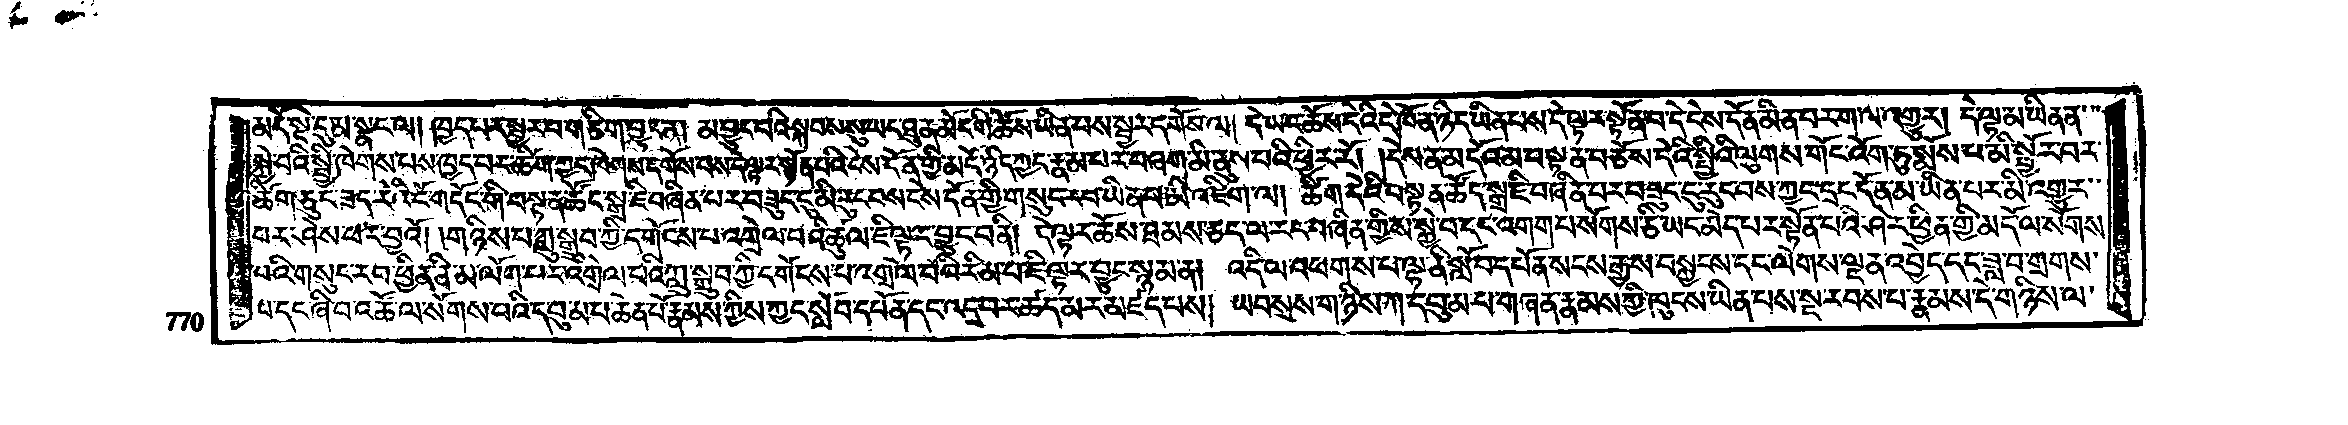མདོ་སྡེ་དུ་མ་སྣང་ལ། ཁྱད་པར་སྦྱར་བ་གཅིག་བྱུང་ན། མ་བྱུང་བའི་སྐབས་སུ་ཡང་ཐུན་མོང་གི་ཆོས་ཡིན་པས་སྦྱར་དགོས་ལ། དེ་ཡང་ཆོས་དེའི་དེ་ཁོ་ན་ཉིད་ཡིན་པས་དེ་ལྟར་སྟོན་པ་དེ་ངེས་དོན་མིན་པར་ག་ལ་འགྱུར། དེ་ལྟ་མ་ཡིན་ན་
སྐྱེ་བའི་སྤྱི་ཁེགས་པས་ཁྱད་པར་ཚིག་ཀྱང་ཁེགས་དགོས་པས་དེ་ལྟར་སྟོན་པའི་ངེས་དོན་གྱི་མདོ་ཉིད་ཀྱང་རྣམ་པར་བཞག་མི་ནུས་པའི་ཕྱིར་རོ། །དེས་ན་མདོའམ་བསྟན་བཅོས་དེའི་སྤྱིའི་ལུགས་གོང་འོག་ཏུ་སྨོས་པ་མི་སྦྱོར་བར་
ཚིག་ཅུང་ཟད་རེའི་ངོ་གདོང་གི་བསྟན་ཚོད་སྒྲ་ཇི་བཞིན་པར་བཟུང་དུ་མི་རུང་བས་ངེས་དོན་གྱི་གསུང་རབ་ཡིན་པ་མི་འཇིག་ལ། ཚིག་དེའི་བསྟན་ཚོད་སྒྲ་ཇི་བཞིན་པར་བཟུང་དུ་རུང་བས་ཀྱང་དྲང་དོན་མ་ཡིན་པར་མི་འགྱུར་
བར་ཤེས་པར་བྱའོ། །གཉིས་པ་ཀླུ་སྒྲུབ་ཀྱི་དགོངས་པ་འགྲེལ་བའི་ཚུལ་ཇི་ལྟར་བྱུང་བ་ནི། དེ་ལྟར་ཆོས་ཐམས་ཅད་ལ་རང་བཞིན་གྱིས་སྐྱེ་བ་དང་འགག་པ་སོགས་ཅི་ཡང་མེད་པར་སྟོན་པའི་ཤེར་ཕྱིན་གྱི་མདོ་ལ་སོགས་
པའི་གསུང་རབ་ཕྱིན་ཅི་མ་ལོག་པར་འགྲེལ་བའི་ཀླུ་སྒྲུབ་ཀྱི་དགོངས་པ་འགྲེལ་བའི་རིམ་པ་ཇི་ལྟར་བྱུང་སྙམ་ན། འདི་ལ་འཕགས་པ་ལྷ་ནི་སློབ་དཔོན་སངས་རྒྱས་བསྐྱངས་དང་ལེགས་ལྡན་འབྱེད་དང་ཟླ་བ་གྲགས་
པ་དང་ཞི་བ་འཚོ་ལ་སོགས་པའི་དབུ་མ་པ་ཆེན་པོ་རྣམས་ཀྱིས་ཀྱང་སློབ་དཔོན་དང་འདྲ་བར་ཚད་མར་མཛད་པས། ཡབ་སྲས་གཉིས་ཀ་དབུ་མ་པ་གཞན་རྣམས་ཀྱི་ཁུངས་ཡིན་པས་སྔ་རབས་པ་རྣམས་དེ་གཉིས་ལ་